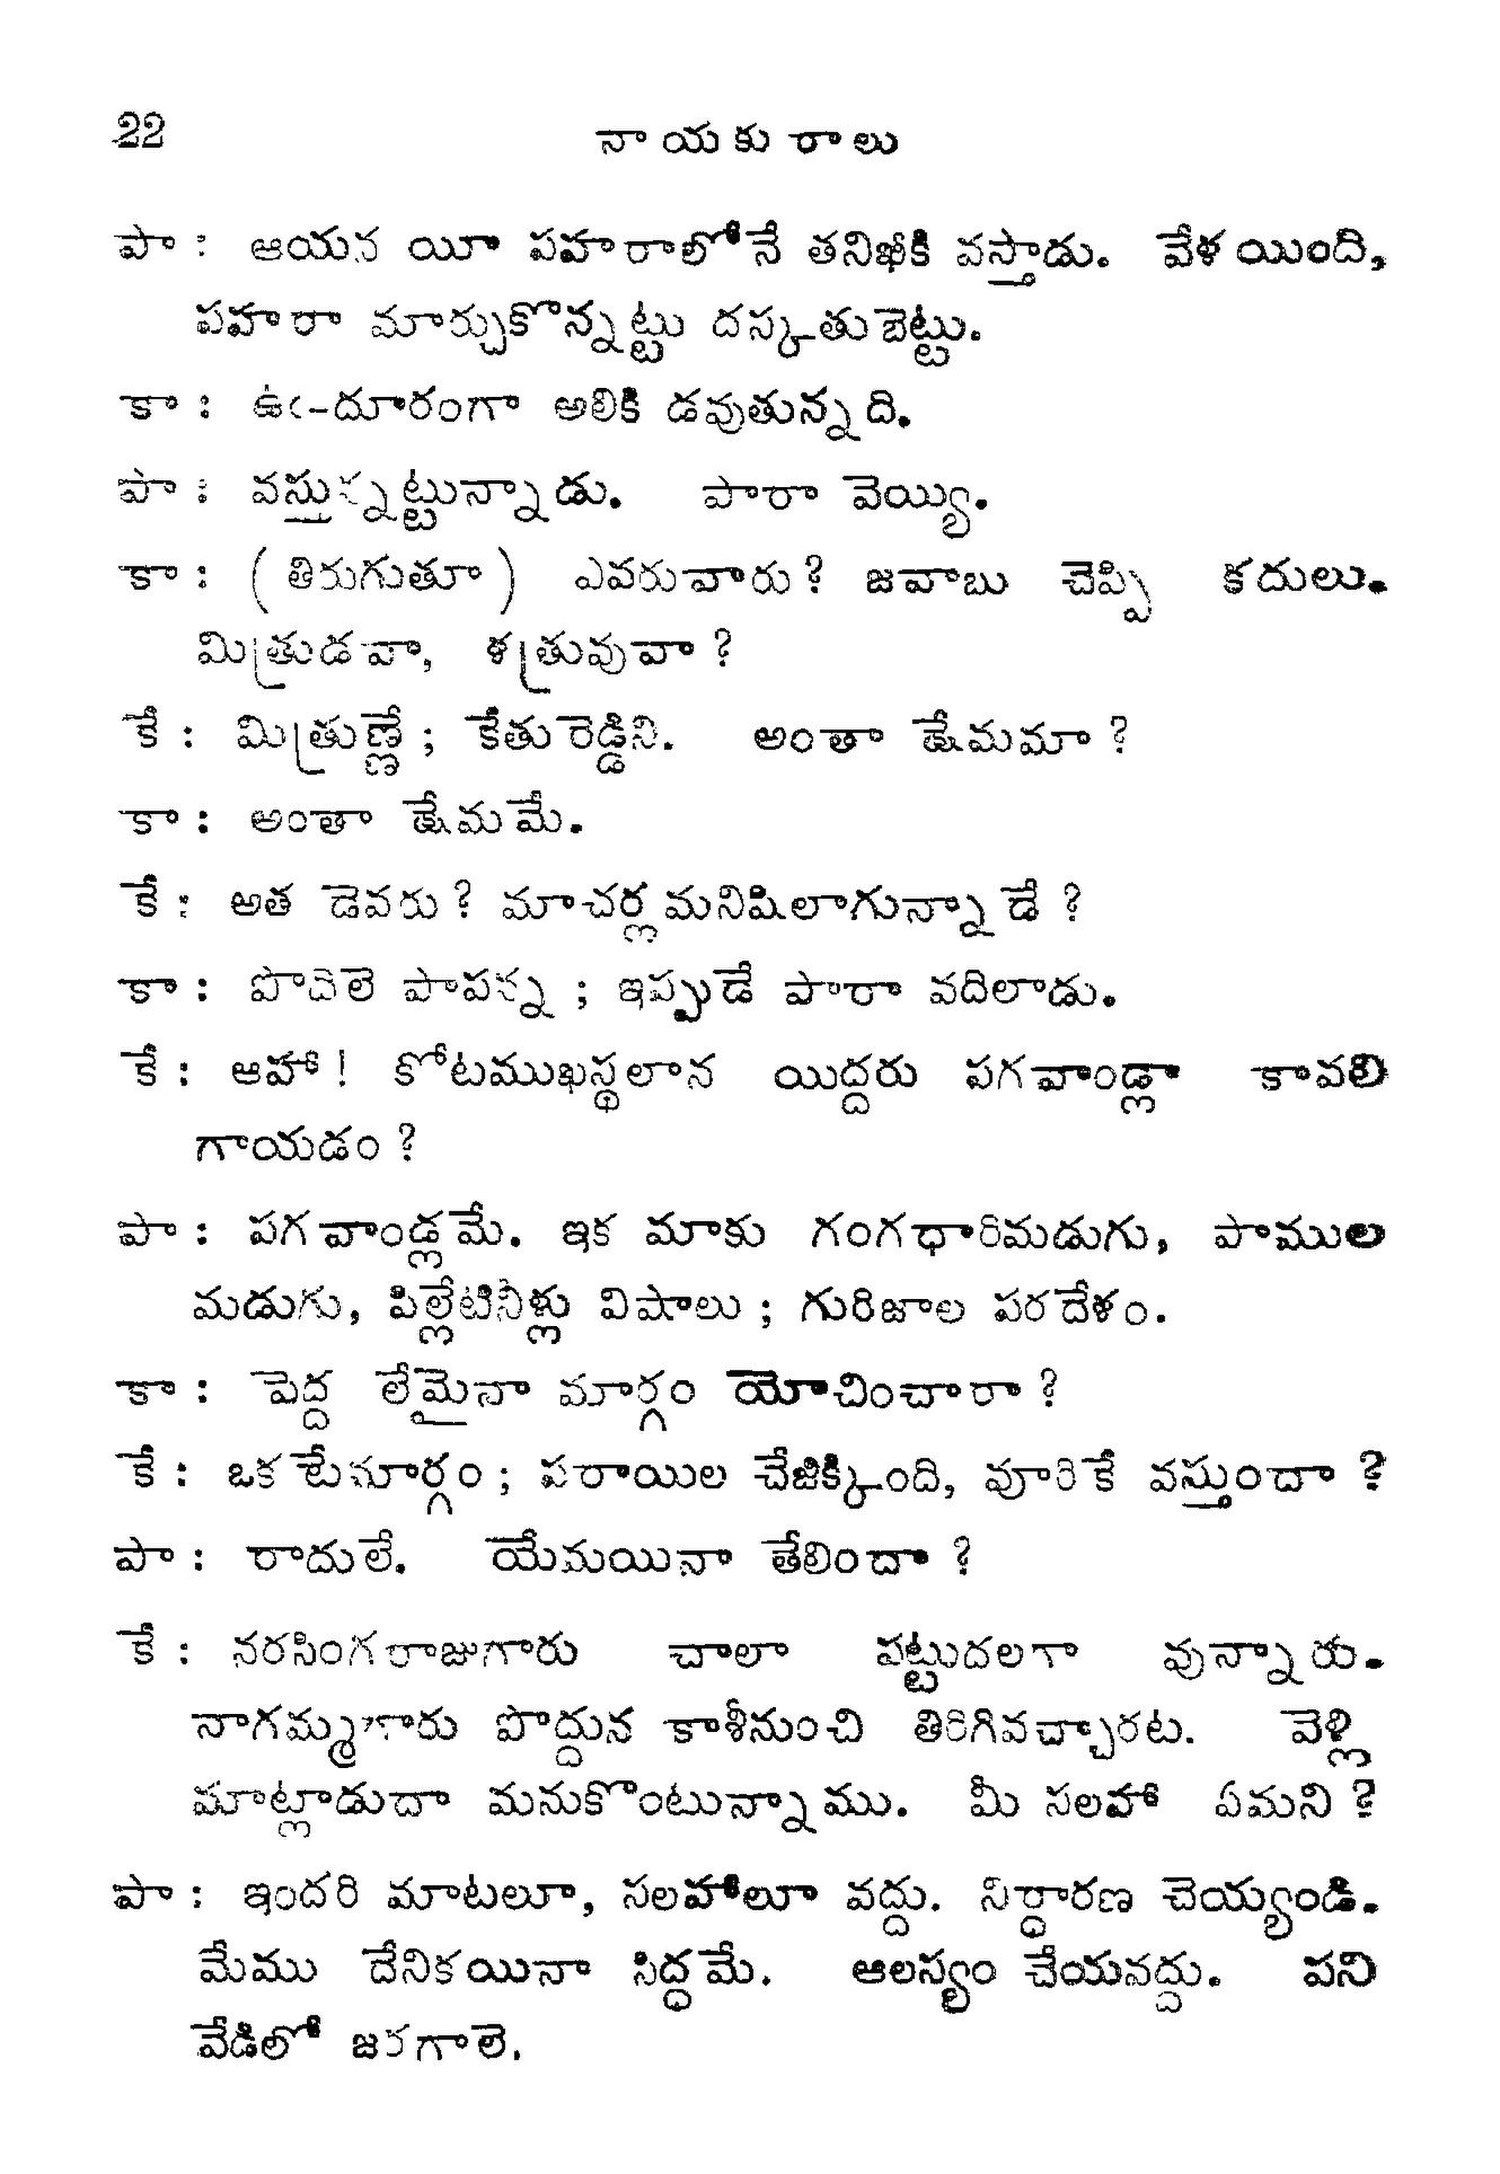పా: ఆయన యీ పహరాలోనే తనిఖీకి వస్తాడు. వేళయింది, పహరా మార్చుకొన్నట్టు దస్కతుబెట్టు.

కా: ఉఁ-దూరంగా అలికి డవుతున్నది.

పా: వస్తున్నట్టున్నాడు. పారా వెయ్యి.

కా: ( తిరుగుతూ) ఎవరువారు ? జవాబు చెప్పి కదులు. మిత్రుడవా, శత్రువువా ?

కే : మిత్రుణ్ణే ; కేతురెడ్డిని. అంతా క్షేమమా?

కా: అంతా క్షేమమే.

కే: అత డెవరు ? మాచర్లమనిషి లాగున్నా డే ?

కా: పొదిలె పాపన్న ; ఇప్పుడే పారా వదిలాడు.

కే: ఆహా ! కోటముఖస్థలాన యిద్దరు పగవాండ్లా కావలి గాయడం?

పా : పగవాండ్లమే. ఇక మాకు గంగధారిమడుగు, పాముల మడుగు, పిల్లేటినీళ్లు విషాలు ; గురిజాల పరదేశం.

కా: పెద్ద లేమైనా మార్గం యోచించారా ?

కే : ఒకటేమార్గం; పరాయిల చేజిక్కింది, వూరికే వస్తుందా ?

పా: రాదులే. యేమయినా తేలిందా?

కే: నరసింగరాజుగారు చాలా పట్టుదలగా వున్నారు. నాగమ్మగారు పొద్దున కాశీనుంచి తిరిగివచ్చారట. వెళ్లి మాట్లాడుదా మనుకొంటున్నాము. మీ సలహా ఏమని?

పా: ఇందరి మాటలూ, సలహాలూ వద్దు. నిర్ధారణ చెయ్యండి. మేము దేనికయినా సిద్ధమే. ఆలస్యం చేయవద్దు. పని వేడిలో జరగాలె.